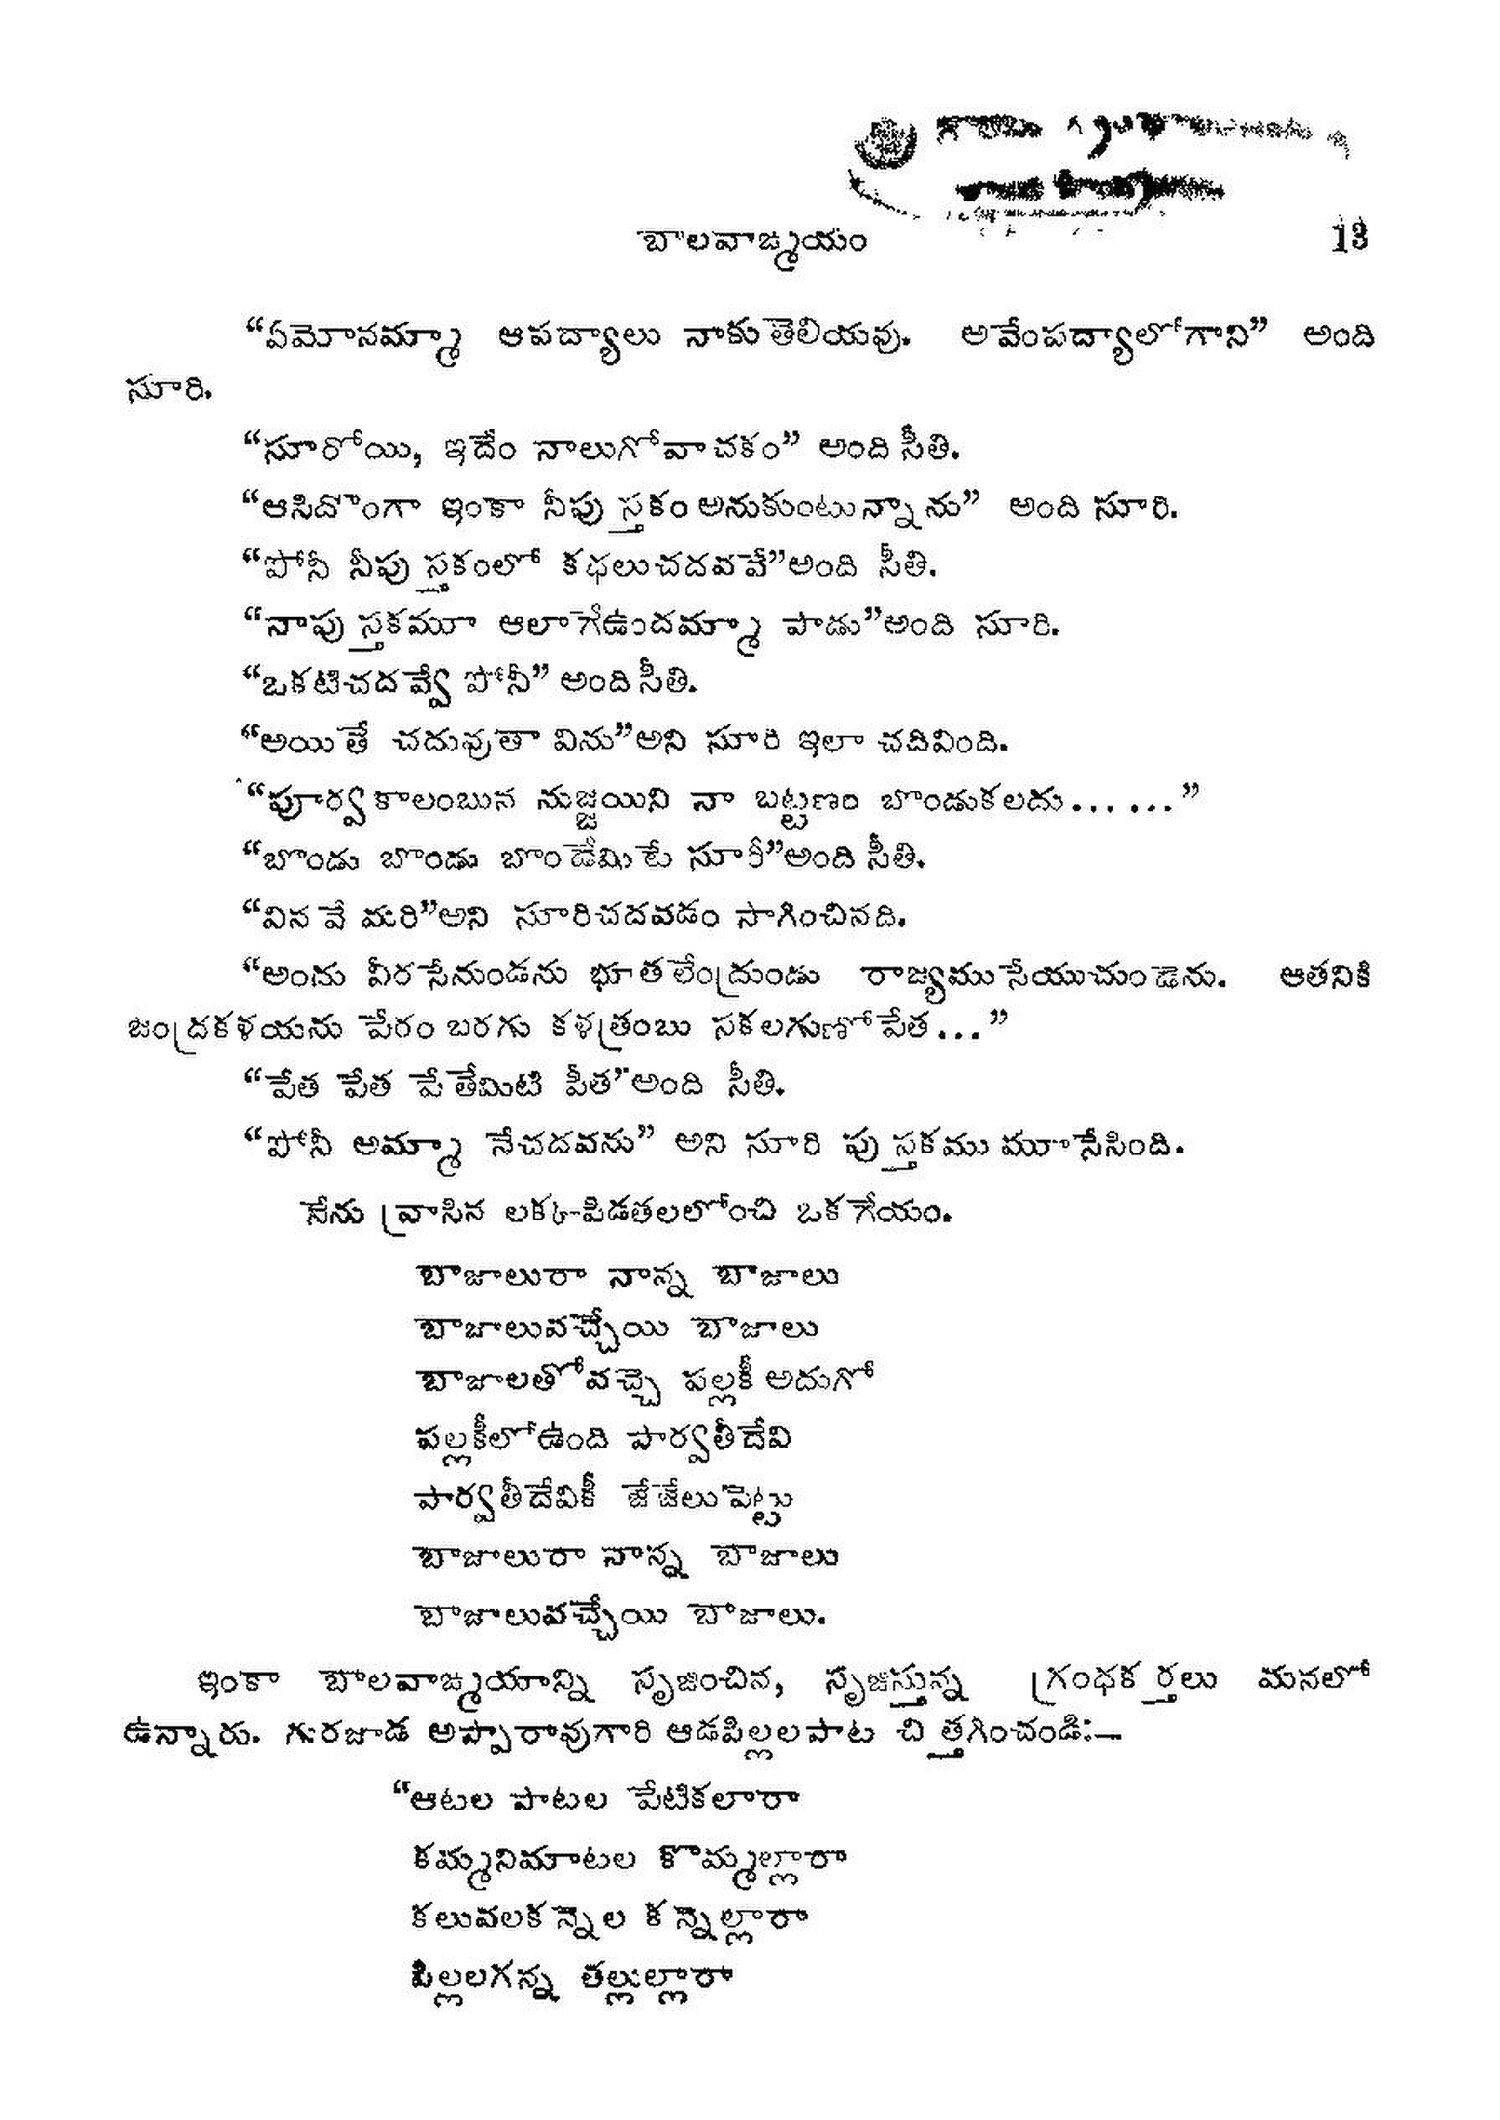“ఏమోనమ్మా ఆపద్యాలు నాకు తెలియవు. అవేంపద్యాలోగాని” అంది సూరి.
“సూరోయి, ఇదేం నాలుగోవాచకం" అంది సీతి.
“ఆసిదొంగా ఇంకా నీపు స్తకం అనుకుంటున్నాను” అంది సూరి.
“పోనీ నీపుస్తకంలో కథలు చదవవే" అంది సీతి.
"నాపుస్తకమూ అలాగేఉందమ్మా పాడు" అంది సూరి.
“ఒకటిచదవ్వే పోనీ” అంది సీతి.
“అయితే చదువుతా విను” అని సూరి ఇలా చదివింది.
“పూర్వ కాలంబున నుజ్జయిని నా బట్టణం బొండుకలదు .....”
"బొండు బొండు బొందేమిటే సూరీ” అంది సీతి.
“విన వే మరి” అని సూరిచదవడం సాగించినది.
“అందు వీరసేనుండను భూతలేంద్రుండు రాజ్యము సేయుచుండెను. అతనికి జంద్రకళయను పేరం బరగు కళత్రంబు సకలగుణోపేత...”
“పేత పేత మేతేమిటి పీత" అంది సీతి.
“పోనీ అమ్మా నేచదవను” అని సూరి పుస్తకము మూసేసింది.
నేను వ్రాసిన లక్కపిడతలలోంచి ఒక గేయం.
బాజాలురా నాన్న బాజాలు
బాజాలు వచ్చేయి బాజాలు
బాజాలతో వచ్చె పల్లకీ అదుగో
పల్లకీలో ఉంది పార్వతీదేవి
పార్వతీదేవికీ జేజేలు పెట్టు
బాజాలురా నాన్న బాజాలు
బాజాలు వచ్చేయి బాజాలు. 
ఇంకా బాలవాఙ్మయాన్ని సృజించిన, సృజస్తున్న గ్రంధకర్తలు మనలో ఉన్నారు. గురజాడ అప్పారావుగారి ఆడపిల్లల పాట చిత్తగించండి:-
“ఆటల పాటల పేటికలారా
కమ్మనిమాటల కొమ్మల్లారా
కలువలకన్నెల కన్నెల్లారా
పిల్లలగన్న తల్లుల్లారా